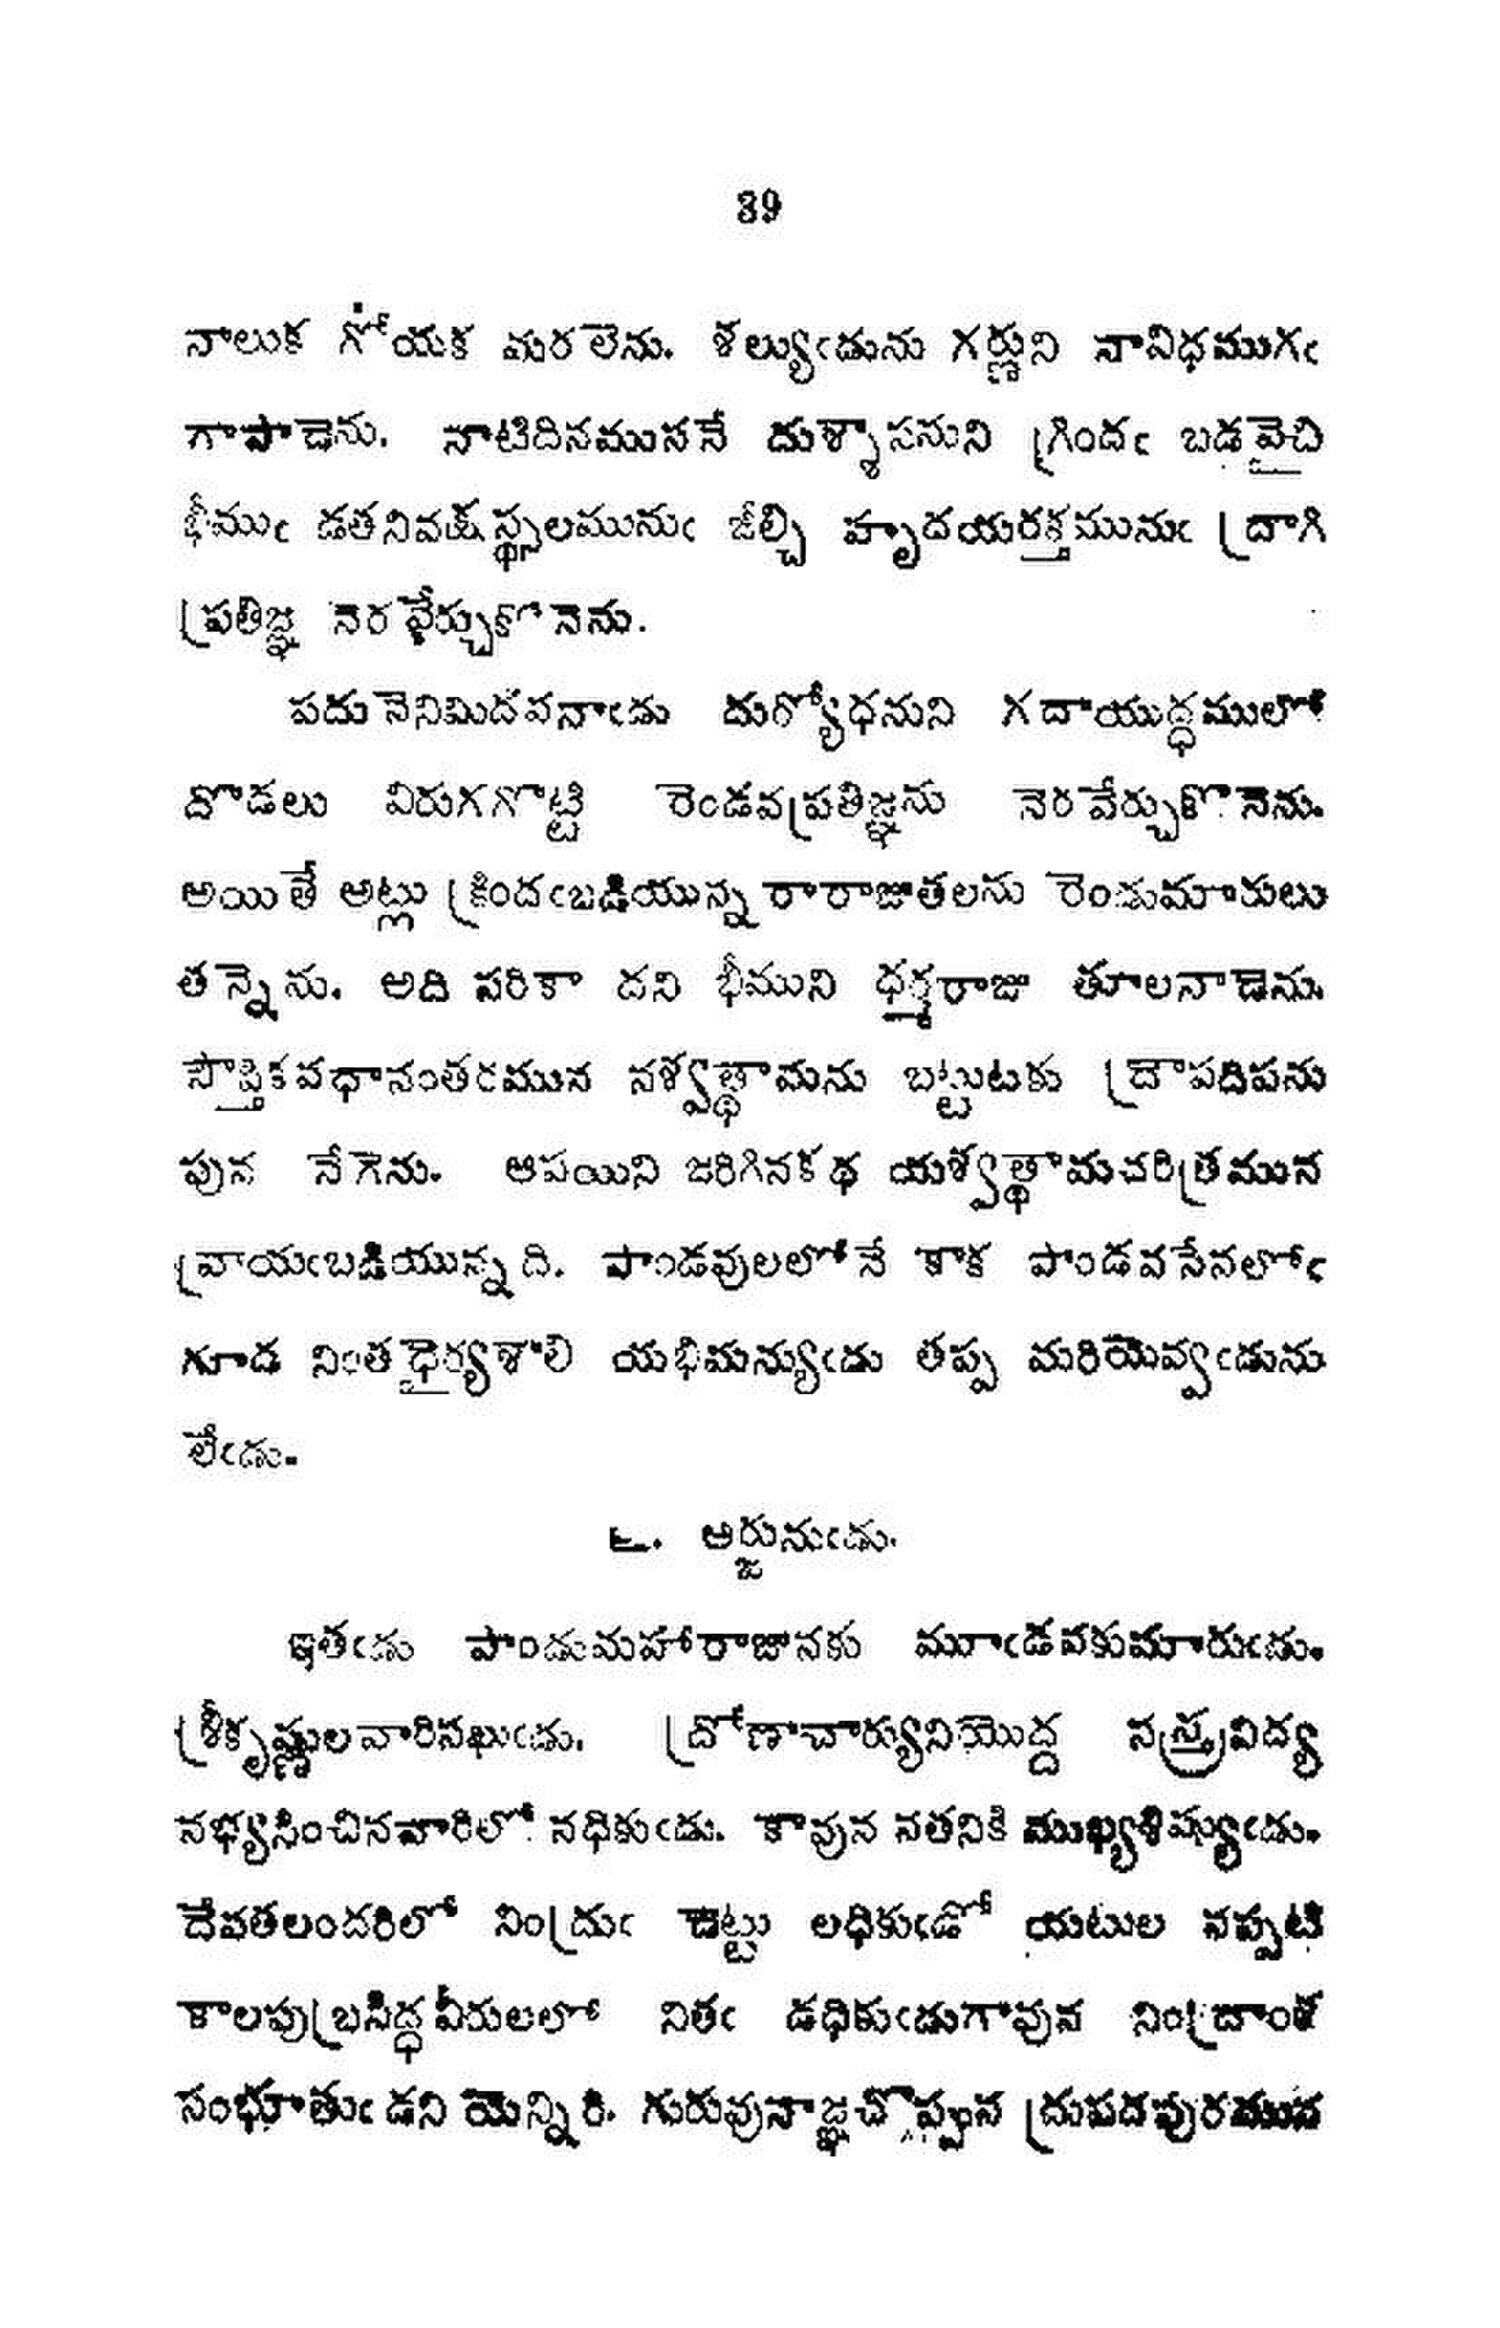నాలుక గోయక మరలెను. శల్యుఁడును గర్ణుని నావిధముగఁ గాపాడెను. నాటిదినముననే దుశ్శాసనుని గ్రిందఁ బడవైచి భీముఁ డతనివక్షస్థలమునుఁ జీల్చి హృదయరక్తమునుఁ ద్రాగి ప్రతిజ్ఞ నెరవేర్చుకొనెను.

పదు నెనిమిదవనాఁడు దుర్యోధనుని గదాయుద్ధములో దొడలు విరుగగొట్టి రెండవప్రతిజ్ఞను నెరవేర్చుకొనెను . అయితే అట్లు క్రిందఁబడియున్న రారాజుతలను రెండుమారులు తన్నెను. అది సరికా దని భీముని ధర్మరాజు తూలనాడెను. సౌప్తికవధానంతరమున నశ్వత్థామను బట్టుటకు ద్రౌపదిపనుపున నేగెను. ఆపయిని జరిగినకథ యశ్వత్థామచరిత్రమున వ్రాయఁబడియున్నది. పాండవులలోనే కాక పాండవసేనలోఁగూడ నింతధైర్యశాలి యభిమన్యుఁడు తప్ప మరియెవ్వఁడును
లేఁడు.

ఇతఁడు పాండుమహారాజునకు మూఁడవకుమారుఁడు. శ్రీకృష్ణులవారిసఖుఁడు. ద్రోణాచార్యునియొద్ద సస్త్రవిద్య నభ్యసించినవారిలో నధికుఁడు. కావున నతనికి ముఖ్యశిష్యుఁడు. దేవతలందరిలో నింద్రుఁ డెట్టు లధికుఁడో యటుల నప్పటి కాలపుబ్రసిద్ధవీరులలో నితఁ డధికుఁడుగావున నింద్రాంశ
సంభూతుఁడని యెన్నిరి. గురువునాజ్ఞచొప్పున ద్రుపదపురమున